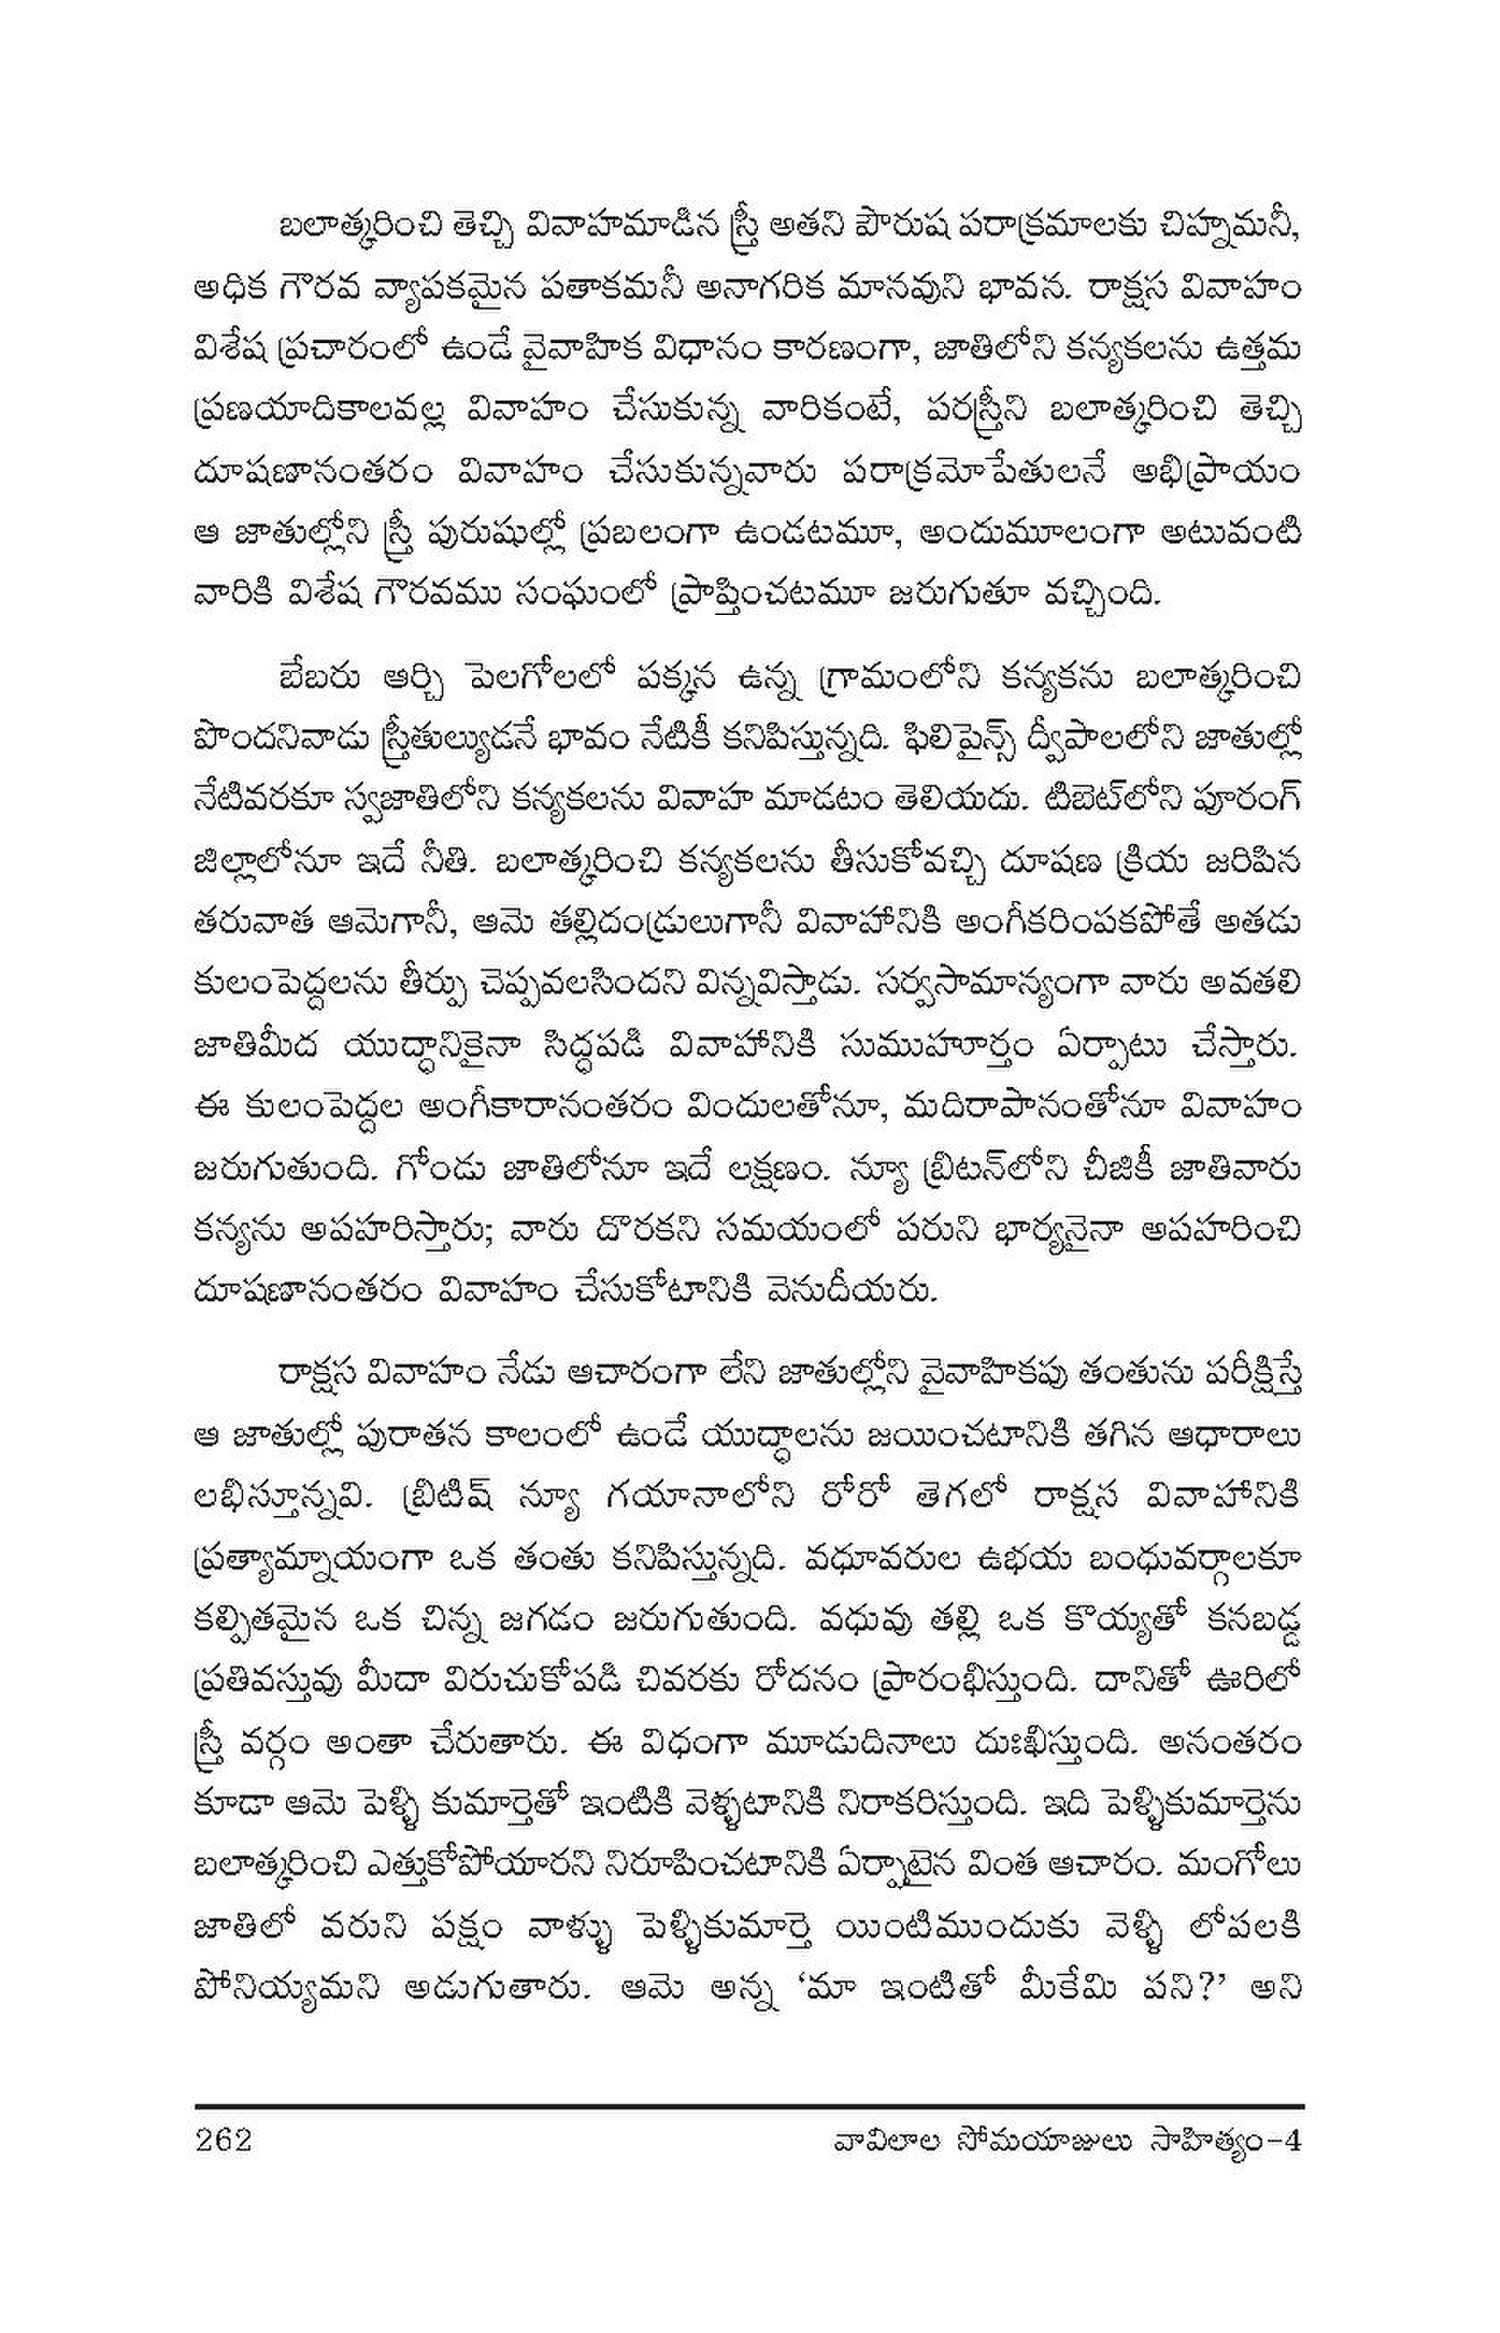బలాత్కరించి తెచ్చి వివాహమాడిన స్త్రీ అతని పౌరుష పరాక్రమాలకు చిహ్నమనీ,
అధిక గౌరవ వ్యాపకమైన పతాకమనీ అనాగరిక మానవుని భావన. రాక్షస వివాహం
విశేష ప్రచారంలో ఉండే వైవాహిక విధానం కారణంగా, జాతిలోని కన్యకలను ఉత్తమ
ప్రణయాదికాలవల్ల వివాహం చేసుకున్న వారికంటే, పరస్త్రీని బలాత్కరించి తెచ్చి
దూషణానంతరం వివాహం చేసుకున్నవారు పరాక్రమోపేతులనే అభిప్రాయం
ఆ జాతుల్లోని స్త్రీ పురుషుల్లో ప్రబలంగా ఉండటమూ, అందుమూలంగా అటువంటి
వారికి విశేష గౌరవము సంఘంలో ప్రాప్తించటమూ జరుగుతూ వచ్చింది.

బేబరు ఆర్చి పెలగోలలో పక్కన ఉన్న గ్రామంలోని కన్యకను బలాత్కరించి
పొందనివాడు స్త్రీతుల్యుడనే భావం నేటికీ కనిపిస్తున్నది. ఫిలిపైన్స్ ద్వీపాలలోని జాతుల్లో
నేటివరకూ స్వజాతిలోని కన్యకలను వివాహ మాడటం తెలియదు. టిబెట్ ని పూరంగ్
జిల్లాలోనూ ఇదే నీతి. బలాత్కరించి కన్యకలను తీసుకోవచ్చి దూషణ క్రియ జరిపిన
తరువాత ఆమెగానీ, ఆమె తల్లిదండ్రులుగానీ వివాహానికి అంగీకరింపకపోతే అతడు
కులం పెద్దలను తీర్పు చెప్పవలసిందని విన్నవిస్తాడు. సర్వసామాన్యంగా వారు అవతలి
జాతిమీద యుద్ధానికైనా సిద్ధపడి వివాహానికి సుముహూర్తం ఏర్పాటు చేస్తారు.
ఈ కులంపెద్దల అంగీకారానంతరం విందులతోనూ, మదిరాపానంతోనూ వివాహం
జరుగుతుంది. గోండు జాతిలోనూ ఇదే లక్షణం. న్యూ బ్రిటన్ లోని చీజికీ జాతివారు
కన్యను అపహరిస్తారు; వారు దొరకని సమయంలో పరుని భార్యనైనా అపహరించి
దూషణానంతరం వివాహం చేసుకోటానికి వెనుదీయరు.

రాక్షస వివాహం నేడు ఆచారంగా లేని జాతుల్లోని వైవాహికపు తంతును పరీక్షిస్తే
ఆ జాతుల్లో పురాతన కాలంలో ఉండే యుద్ధాలను జయించటానికి తగిన ఆధారాలు
లభిస్తున్నవి. బ్రిటిష్ న్యూ గయానాలోని రోరో తెగలో రాక్షస వివాహానికి
ప్రత్యామ్నాయంగా ఒక తంతు కనిపిస్తున్నది. వధూవరుల ఉభయ బంధువర్గాలకూ
కల్పితమైన ఒక చిన్న జగడం జరుగుతుంది. వధువు తల్లి ఒక కొయ్యతో కనబడ్డ
ప్రతివస్తువు మీదా విరుచుకోపడి చివరకు రోదనం ప్రారంభిస్తుంది. దానితో ఊరిలో
వర్గం అంతా చేరుతారు. ఈ విధంగా మూడుదినాలు దుఃఖిస్తుంది. అనంతరం
కూడా ఆమె పెళ్ళి కుమార్తెతో ఇంటికి వెళ్ళటానికి నిరాకరిస్తుంది. ఇది పెళ్ళికుమార్తెను
బలాత్కరించి ఎత్తుకోపోయారని నిరూపించటానికి ఏర్పాటైన వింత ఆచారం. మంగోలు
జాతిలో వరుని పక్షం వాళ్ళు పెళ్ళికుమార్తె యింటిముందుకు వెళ్ళి లోపలకి
పోనియ్యమని అడుగుతారు. ఆమె అన్న 'మా ఇంటితో మీకేమి పని?' అని